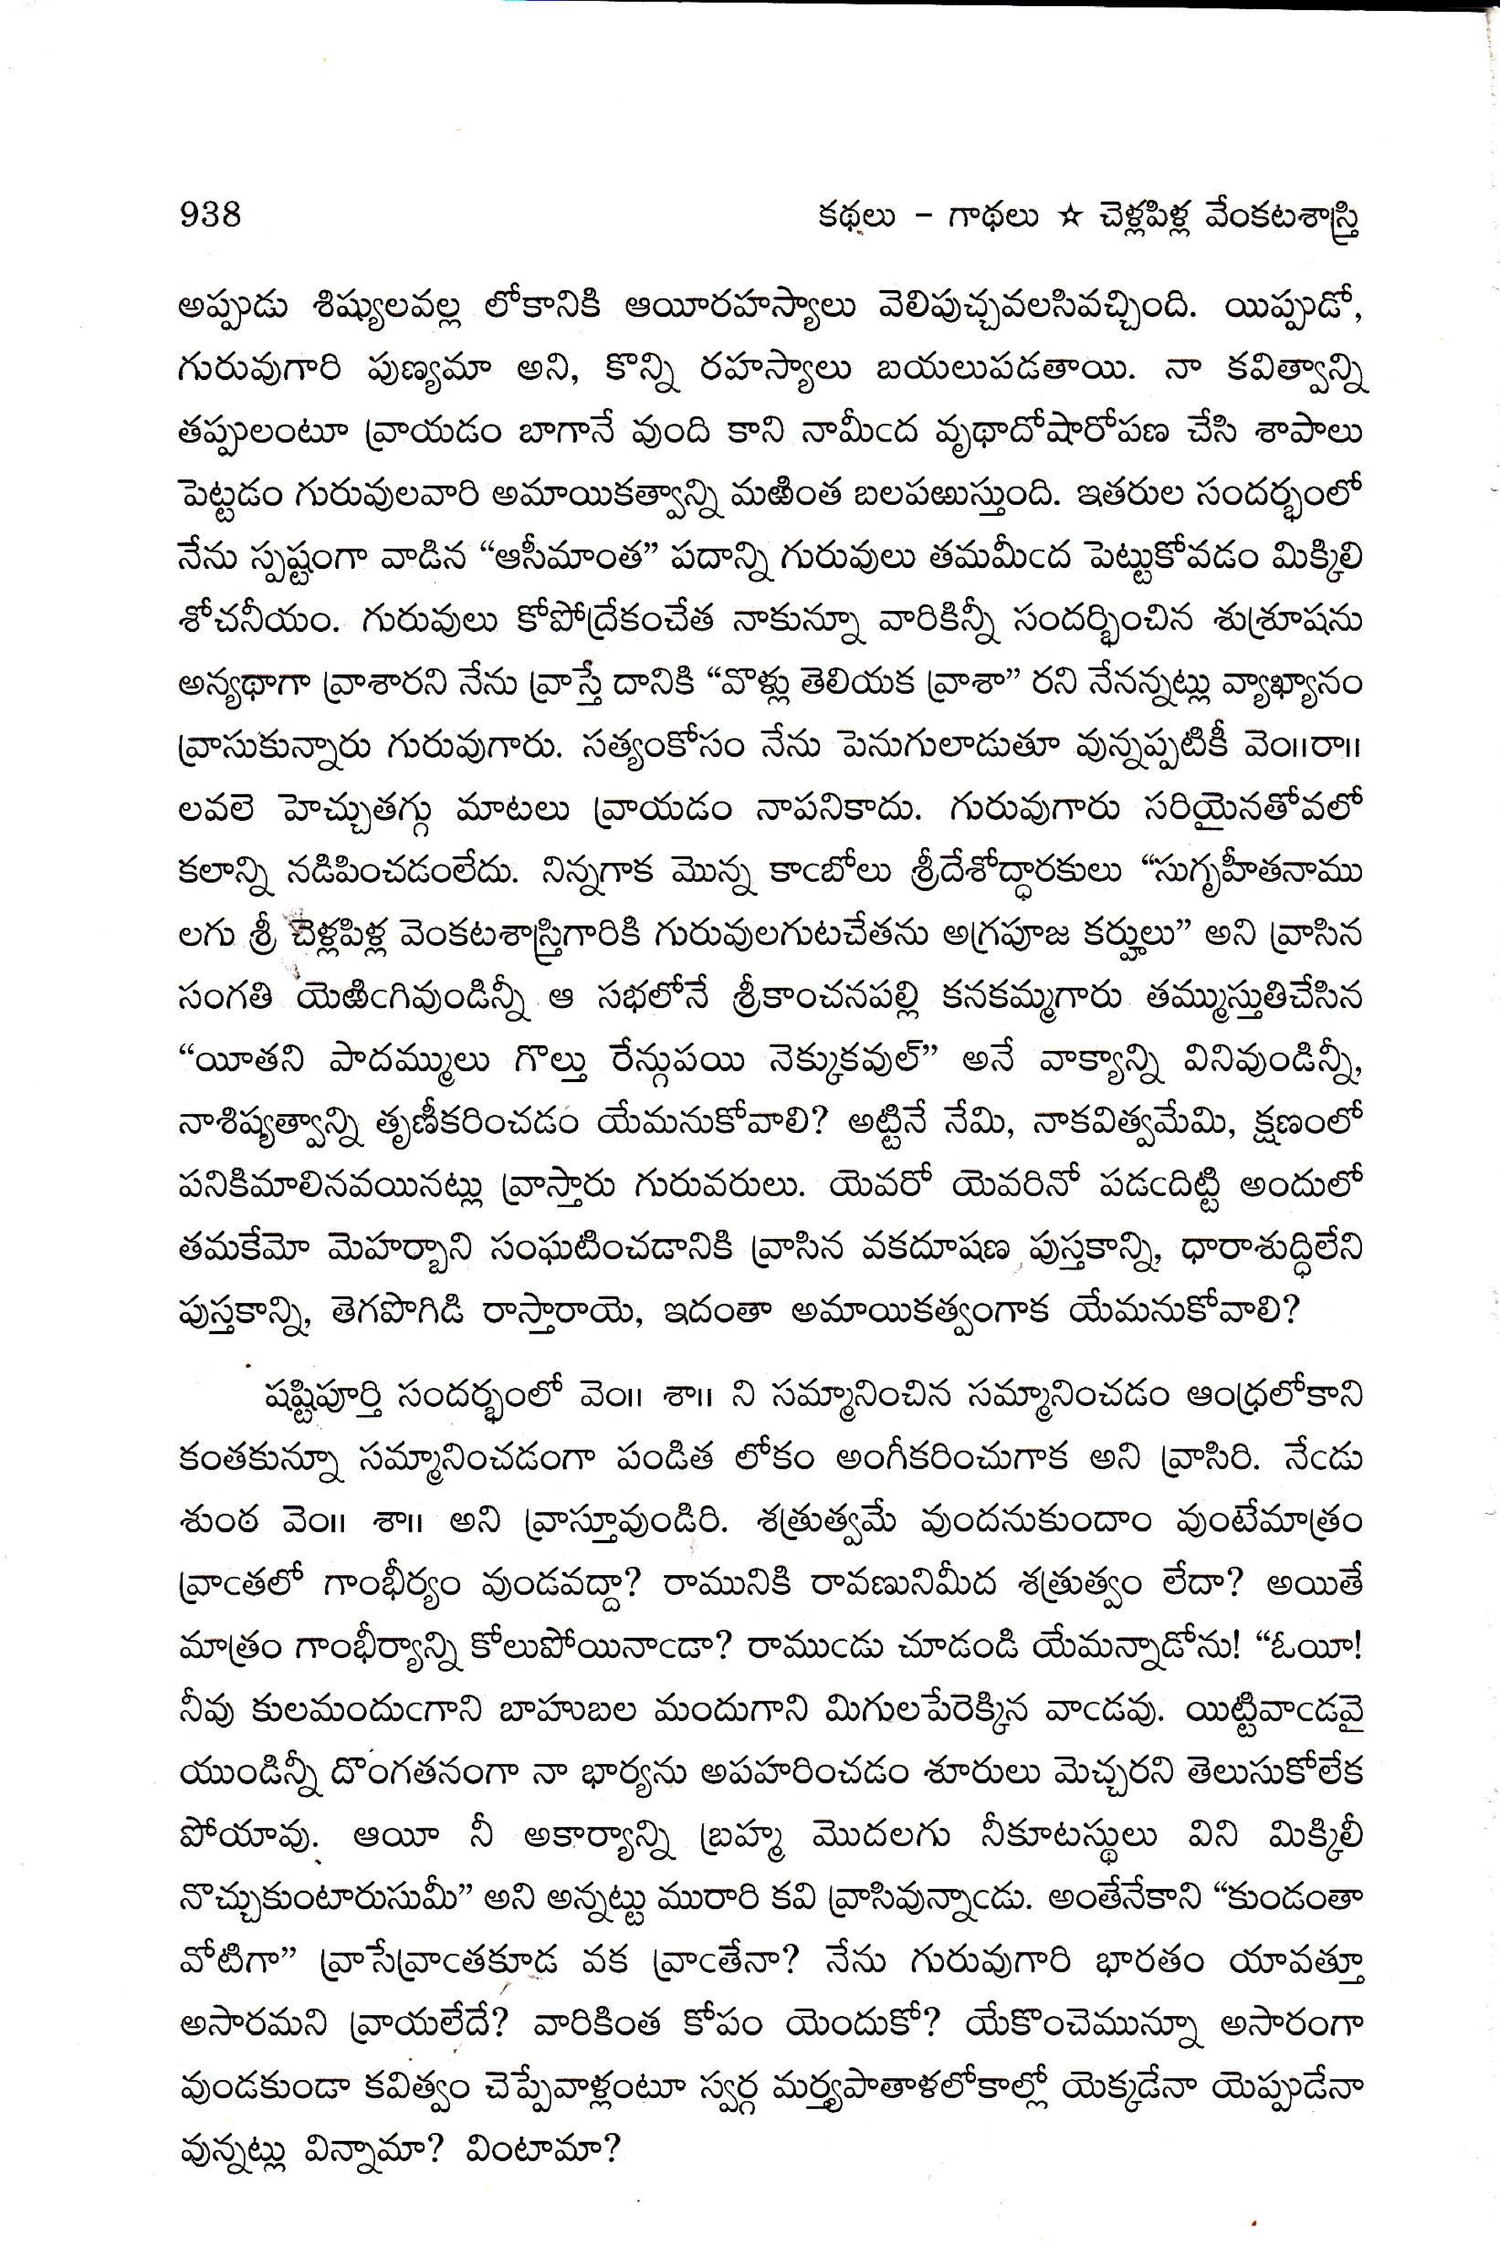అప్పుడు శిష్యులవల్ల లోకానికి ఆయీరహస్యాలు వెలిపుచ్చవలసివచ్చింది. యిప్పుడో, గురువుగారి పుణ్యమా అని, కొన్ని రహస్యాలు బయలుపడతాయి. నా కవిత్వాన్ని తప్పులంటూ వ్రాయడం బాగానే వుంది కాని నామీఁద వృథాదోషారోపణ చేసి శాపాలు పెట్టడం గురువులవారి అమాయికత్వాన్ని మఱింత బలపఱుస్తుంది. ఇతరుల సందర్భంలో నేను స్పష్టంగా వాడిన “ఆసీమాంత" పదాన్ని గురువులు తమమీఁద పెట్టుకోవడం మిక్కిలి శోచనీయం. గురువులు కోపోద్రేకంచేత నాకున్నూ వారికిన్నీ సందర్భించిన శుశ్రూషను అన్యథాగా వ్రాశారని నేను వ్రాస్తే దానికి "వొళ్లు తెలియక వ్రాశా" రని నేనన్నట్లు వ్యాఖ్యానం వ్రాసుకున్నారు గురువుగారు. సత్యంకోసం నేను పెనుగులాడుతూ వున్నప్పటికీ వెం||రా|| లవలె హెచ్చుతగ్గు మాటలు వ్రాయడం నాపనికాదు. గురువుగారు సరియైనతోవలో కలాన్ని నడిపించడంలేదు. నిన్నగాక మొన్న కాఁబోలు శ్రీదేశోద్ధారకులు "సుగృహీతనాములగు శ్రీ చెళ్లపిళ్ల వెంకటశాస్త్రిగారికి గురువులగుటచేతను అగ్రపూజ కర్హులు" అని వ్రాసిన సంగతి యెఱిఁగివుండిన్నీ ఆ సభలోనే శ్రీకాంచనపల్లి కనకమ్మగారు తమ్ముస్తుతిచేసిన “యీతని పాదమ్ములు గొల్తు రేన్గుపయి నెక్కుకవుల్" అనే వాక్యాన్ని వినివుండిన్నీ నాశిష్యత్వాన్ని తృణీకరించడం యేమనుకోవాలి? అట్టినే నేమి, నాకవిత్వమేమి, క్షణంలో పనికిమాలినవయినట్లు వ్రాస్తారు గురువరులు. యెవరో యెవరినో పడఁదిట్టి అందులో తమకేమో మెహర్బాని సంఘటించడానికి వ్రాసిన వకదూషణ పుస్తకాన్ని ధారాశుద్ధిలేని పుస్తకాన్ని తెగపొగిడి రాస్తారాయె, ఇదంతా అమాయికత్వంగాక యేమనుకోవాలి?

షష్టిపూర్తి సందర్భంలో వెం||శా|| ని సమ్మానించిన సమ్మానించడం ఆంధ్రలోకాని కంతకున్నూ సమ్మానించడంగా పండిత లోకం అంగీకరించుగాక అని వ్రాసిరి. నేఁడు శుంఠ వెంll శాII అని వ్రాస్తూవుండిరి. శత్రుత్వమే వుందనుకుందాం వుంటే మాత్రం వ్రాఁతలో గాంభీర్యం వుండవద్దా? రామునికి రావణునిమీద శత్రుత్వం లేదా? అయితే మాత్రం గాంభీర్యాన్ని కోలుపోయినాఁడా? రాముఁడు చూడండి యేమన్నాడోను! "ఓయీ! నీవు కులమందుఁగాని బాహుబల మందుగాని మిగులపేరెక్కిన వాఁడవు. యిట్టివాఁడవై యుండిన్నీ దొంగతనంగా నా భార్యను అపహరించడం శూరులు మెచ్చరని తెలుసుకోలేక పోయావు. ఆయీ నీ అకార్యాన్ని బ్రహ్మ మొదలగు నీకూటస్థులు విని మిక్కిలీ నొచ్చుకుంటారుసుమీ" అని అన్నట్టు మురారి కవి వ్రాసివున్నాఁడు. అంతేనేకాని “కుండంతా వోటిగా" వ్రాసే వ్రాఁతకూడ వక వ్రాఁతేనా? నేను గురువుగారి భారతం యావత్తూ అసారమని వ్రాయలేదే? వారికింత కోపం యెందుకో? యేకొంచెమున్నూ అసారంగా వుండకుండా కవిత్వం చెప్పేవాళ్లంటూ స్వర్గ మర్త్యపాతాళలోకాల్లో యెక్కడేనా యెప్పుడేనా వున్నట్లు విన్నామా? వింటామా?